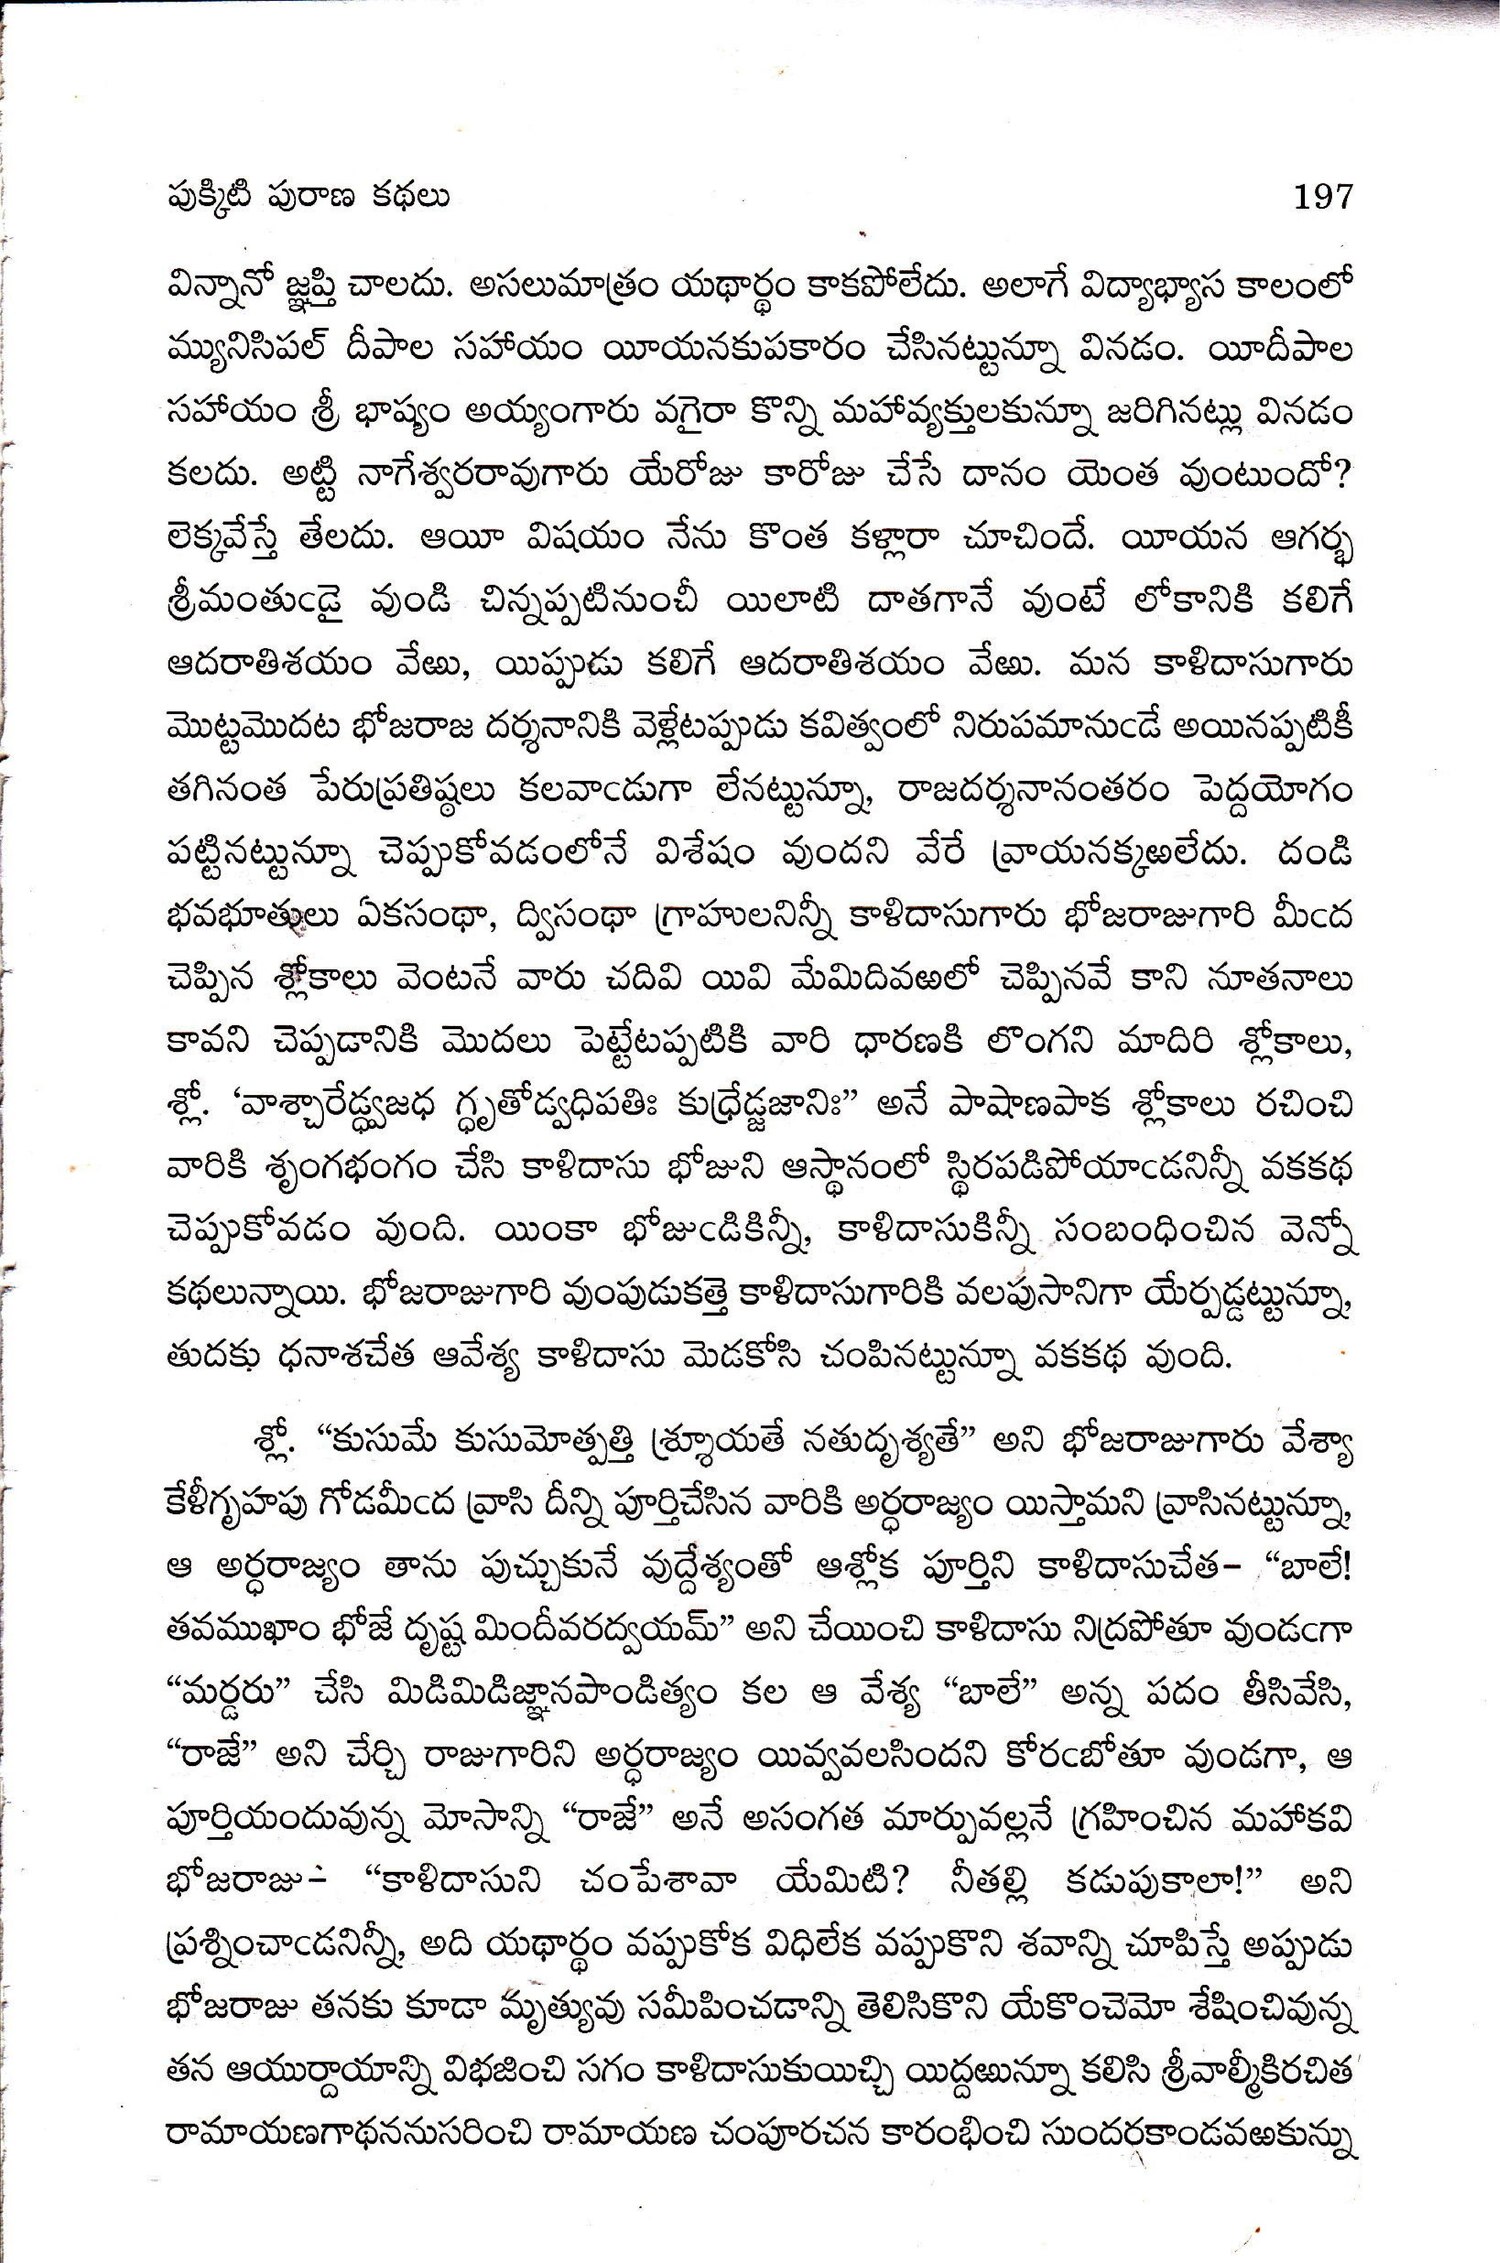విన్నానో జ్ఞప్తి చాలదు. అసలుమాత్రం యథార్థం కాకపోలేదు. అలాగే విద్యాభ్యాస కాలంలో మ్యునిసిపల్ దీపాల సహాయం యీయనకుపకారం చేసినట్టున్నూ వినడం. యీదీపాల సహాయం శ్రీ భాష్యం అయ్యంగారు వగైరా కొన్ని మహావ్యక్తులకున్నూ జరిగినట్లు వినడం కలదు. అట్టి నాగేశ్వరరావుగారు యేరోజు కారోజు చేసే దానం యెంత వుంటుందో? లెక్కవేస్తే తేలదు. ఆయీ విషయం నేను కొంత కళ్లారా చూచిందే. యీయన ఆగర్భ శ్రీమంతుఁడై వుండి చిన్నప్పటినుంచీ యిలాటి దాతగానే వుంటే లోకానికి కలిగే ఆదరాతిశయం వేఱు, యిప్పుడు కలిగే ఆదరాతిశయం వేఱు. మన కాళిదాసుగారు మొట్టమొదట భోజరాజ దర్శనానికి వెళ్లేటప్పుడు కవిత్వంలో నిరుపమానుఁడే అయినప్పటికీ తగినంత పేరుప్రతిష్ఠలు కలవాఁడుగా లేనట్టున్నూ, రాజదర్శనానంతరం పెద్దయోగం పట్టినట్టున్నూ చెప్పకోవడంలోనే విశేషం వుందని వేరే వ్రాయనక్కఱలేదు. దండి భవభూతులు ఏకసంథా, ద్విసంథా గ్రాహులనిన్నీ కాళిదాసుగారు భోజరాజుగారి మీఁద చెప్పిన శ్లోకాలు వెంటనే వారు చదివి యివి మేమిదివఱలో చెప్పినవే కాని నూతనాలు కావని చెప్పడానికి మొదలు పెట్టేటప్పటికి వారి ధారణకి లొంగని మాదిరి శ్లోకాలు, శ్లో. 'వాశ్చారేడ్డ్వజధ గ్ధృతోడ్వధిపతిః కుద్రేడ్జజానిః" అనే పాషాణపాక శ్లోకాలు రచించి వారికి శృంగభంగం చేసి కాళిదాసు భోజుని ఆస్థానంలో స్థిరపడిపోయాఁడనిన్నీ వకకథ చెప్పుకోవడం వుంది. యింకా భోజుఁడికిన్నీ కాళిదాసుకిన్నీ సంబంధించిన వెన్నో కథలున్నాయి. భోజరాజుగారి వుంపుడుకత్తె కాళిదాసుగారికి వలపుసానిగా యేర్పడ్డట్టున్నూ తుదకు ధనాశచేత ఆవేశ్య కాళిదాసు మెడకోసి చంపినట్టున్నూ వకకథ వుంది.

శ్లో. "కుసుమే కుసుమోత్పత్తి శ్శ్రూయతే నతుదృశ్యతే" అని భోజరాజుగారు వేశ్యా కేళీగృహపు గోడమీఁద వ్రాసి దీన్ని పూర్తిచేసిన వారికి అర్ధరాజ్యం యిస్తామని వ్రాసినట్టున్నూ ఆ అర్ధరాజ్యం తాను పుచ్చుకునే వుద్దేశ్యంతో ఆశ్లోక పూర్తిని కాళిదాసుచేత- "బాలే! తవముఖాం భోజే దృష్ట మిందీవరద్వయమ్" అని చేయించి కాళిదాసు నిద్రపోతూ వుండఁగా "మర్డరు" చేసి మిడిమిడిజ్ఞానపాండిత్యం కల ఆ వేశ్య "బాలే” అన్న పదం తీసివేసి, “రాజే” అని చేర్చి రాజుగారిని అర్ధరాజ్యం యివ్వవలసిందని కోరఁబోతూ వుండగా, ఆపూర్తియందువున్న మోసాన్ని “రాజే” అనే అసంగత మార్పువల్లనే గ్రహించిన మహాకవి భోజరాజు- “కాళిదాసుని చంపేశావా యేమిటి? నీతల్లి కడుపుకాలా!” అని ప్రశ్నించాఁడనిన్నీ, అది యథార్థం వప్పుకోక విధిలేక వప్పుకొని శవాన్ని చూపిస్తే అప్పుడు భోజరాజు తనకు కూడా మృత్యువు సమీపించడాన్ని తెలిసికొని యేకొంచెమో శేషించివున్న తన ఆయుర్దాయాన్ని విభజించి సగం కాళిదాసుకుయిచ్చి యిద్దఱున్నూ కలిసి శ్రీవాల్మీకిరచిత రామాయణగాథననుసరించి రామాయణ చంపూరచన కారంభించి సుందరకాండవఱకున్ను